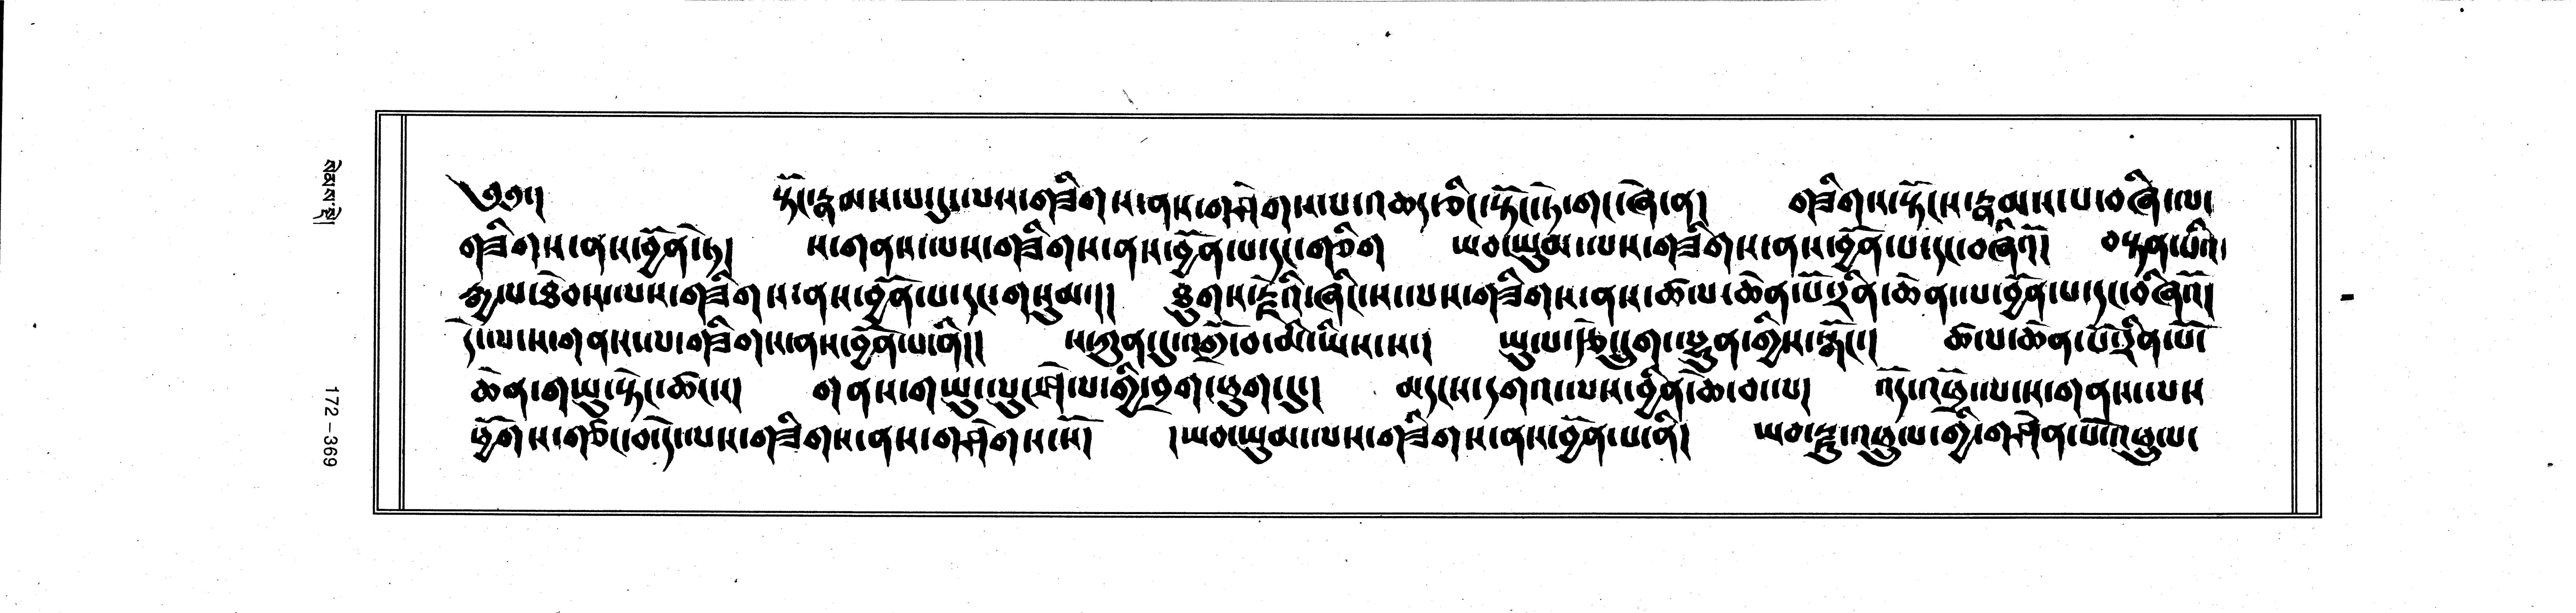སྟོང་རྣམ་པ་དུ་ལས་གཟིགས་ནས་གཤེགས་པ་འཆད་ཅིང་སྟོང་ཏེ་གང་ཞེ་ན། གཟིགས་སྟོང་རྣམ་པ་བཞི་ལ་
གཟིགས་ནས་བྱོན་ཏེ། ས་གནས་ལས་གཟིགས་ནས་བྱོན་པ་དང་གཅིག ཡབ་ཡུམ་ལས་གཟིགས་ནས་བྱོན་པ་དང་གཉིས། བསྟན་པའི་
རྒྱལ་ཐེབས་ལས་གཟིགས་ནས་བྱོན་པ་དང་གསུམ། ཐུགས་རྗེའི་ཞིང་ས་ལས་གཟིགས་ནས་ཚལ་ཆེན་པོ་རིན་ཆེན་ལ་བྱོན་པ་དང་བཞིའོ། 
དེ་ལ་ས་གནས་ལ་གཟིགས་ནས་བྱོན་པ་ནི། ས་ཀུན་དུ་འགྲོ་བ་མི་ཡིས་ས། ཡུལ་རྩེ་དྲུག་ལྷུན་གྱིས་སྒོང་། ཚལ་ཆེན་པོ་རིན་པོ་
ཆེན་གཡུ་སྟེང་ཚངས། གནས་གཡུ་ལུང་ཤེལ་གྱི་བྲག་ཕུག་དུ། མདངས་དགའ་ལས་བྱིན་ཆེ་བ་ལ། འོད་འཕྲོ་ལ་ས་གནས་ལས་
ཕྱོགས་གཙང་བ་དེ་ལས་གཟིགས་ནས་གཤེགས་སོ། ཡབ་ཡུམ་ལས་གཟིགས་ནས་བྱོན་པ་ནི། ཡབ་རྫུ་འཕྲུལ་གྱི་གཤེན་པོ་འཕྲུལ་